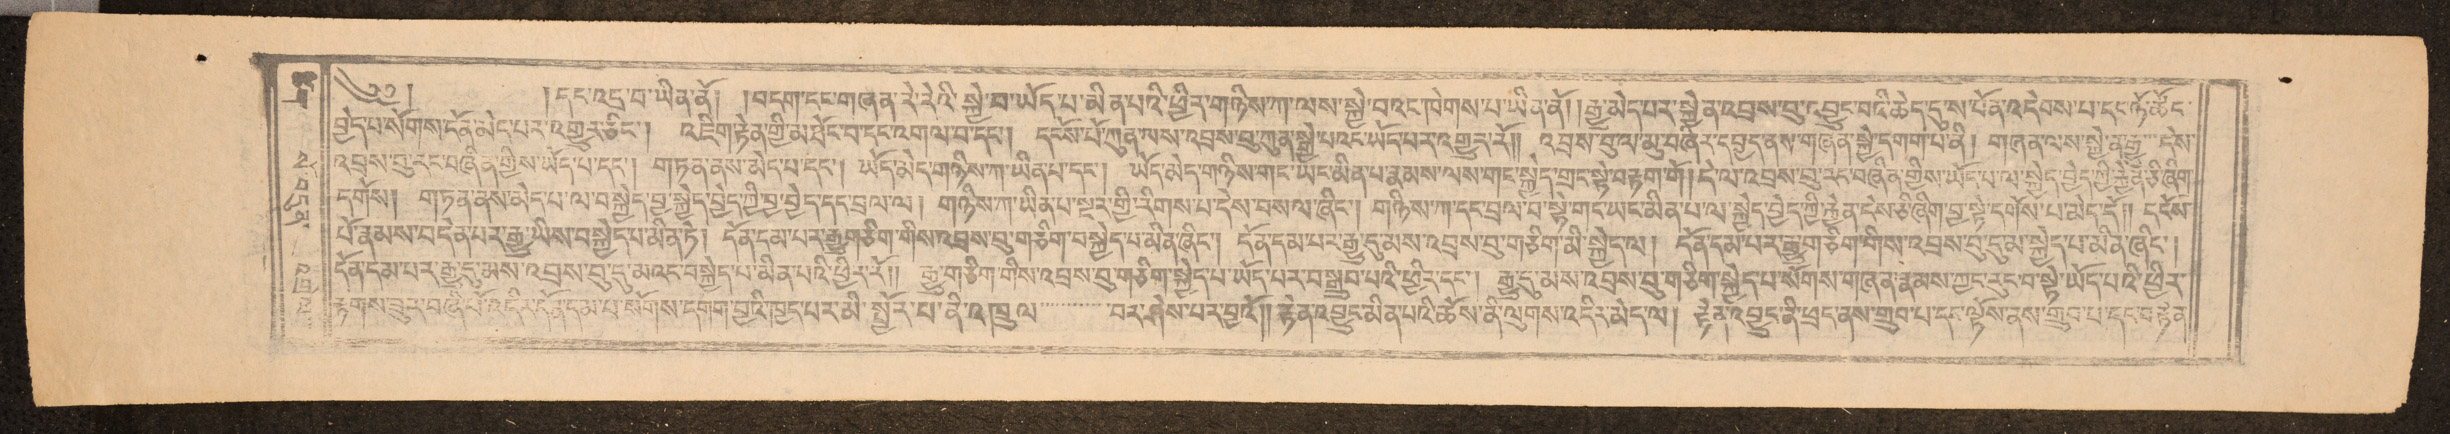༄༅། །དང་འདྲ་བ་ཡིན་ནོ། །བདག་དང་གཞན་རེ་རེའི་སྐྱེ་བ་ཡོད་པ་མིན་པའི་ཕྱིར་གཉིས་ཀ་ལས་སྐྱེ་བའང་ཁེགས་པ་ཡིན་ནོ། །རྒྱུ་མེད་པར་སྐྱེན་འབྲས་བུ་འབྱུང་བའི་ཆེད་དུ་ས་བོན་འདེབས་པ་དང་ཉོ་ཚོང་
བྱེད་པ་སོགས་དོན་མེད་པར་འགྱུར་ཅིང་། འཇིག་རྟེན་གྱི་མཐོང་བ་དང་འགལ་བ་དང་། དངོས་པོ་ཀུན་ལས་འབྲས་བུ་ཀུན་སྒྱེ་པའང་ཡོད་པར་འགྱུར་རོ།། འབྲས་བུ་ལ་མུ་བཞིར་དཔྱད་ནས་གཞན་སྐྱེ་དགག་པ་ནི། གཞན་ལས་སྐྱེ་ན་རྒྱུ་དེས་
འབྲས་བུ་རང་བཞིན་གྱིས་ཡོད་པ་དང་། གཏན་ནས་མེད་པ་དང་། ཡོད་མེད་གཉིས་ཀ་ཡིན་པ་དང་། ཡོད་མེད་གཉིས་གང་ཡང་མིན་པ་རྣམས་ལས་གང་སྐྱེད་གྲང་སྟེ་བརྟག་གོ། དེ་ལ་འབྲས་བུ་རང་བཞིན་གྱིས་ཡོང་པ་ལ་སྐྱེད་བྱེད་ཀྱི་རྐྱེན་ཅི་ཞིག་
དགོས། གཏན་ནས་མེད་པ་ལ་བསྐྱེད་བྱ་སྐྱེད་བྱེད་ཀྱི་བྱ་བྱེད་དང་བྲལ་ལ། གཉིས་ཀ་ཡིན་པ་སྔར་གྱི་རིགས་པ་དེས་བསལ་ཞིང་། གཉིས་ཀ་དང་བྲལ་བ་སྟེ་གང་ཡང་མིན་པ་ལ་སྐྱེད་བྱེད་ཀྱི་རྐྱེན་ངེས་ཅི་ཞིག་བྱ་སྟེ་དགོས་པ་མེད་དོ།། དངོས་
པོ་རྣམས་བདེན་པར་རྒྱུ་ཡིས་བསྐྱེད་པ་མིན་ཏེ། དོན་དམ་པར་རྒྱུ་གཅིག་གིས་འབྲས་བུ་གཅིག་བསྐྱེད་པ་མིན་ཞིང་། དོན་དམ་པར་རྒྱུ་དུ་མས་འབྲས་བུ་གཅིག་མི་སྐྱེད་ལ། དོན་དམ་པར་རྒྱུ་གཅིག་གིས་འབྲས་བུ་དུ་མ་སྐྱེད་པ་མིན་ཞིང་།
དོན་དམ་པར་རྒྱུ་དུ་མས་འབྲས་བུ་དུ་མའང་བསྐྱེད་པ་མིན་པའི་ཕྱིར་རོ།། རྒྱུ་གཅིག་གིས་འབྲས་བུ་གཅིག་སྐྱེད་པ་ཡོད་པར་བསྒྲུབ་པའི་ཕྱིར་དང་། རྒྱུ་དུ་མས་འབྲས་བུ་གཅིག་སྐྱེད་པ་སོགས་གཞན་རྣམས་ཀྱང་རུང་བ་སྟེ་ཡོད་པའི་ཕྱིར་
རྟགས་ཟུར་བཞི་པོ་འདིར་དོན་དམ་པ་སོགས་དགག་བྱའི་ཁྱད་པར་མི་སྦྱོར་པ་ནི་འཁྲུལ་བར་ཤེས་པར་བྱའོ།། རྟེན་འབྱུང་མིན་པའི་ཆོས་ནི་ལུགས་འདིར་མེད་ལ། རྟེན་འབྱུང་ནི་ཕྲད་ནས་གྲུབ་པ་དང་ལྟོས་ནས་གྲུབ་པ་དང་བརྟེན་